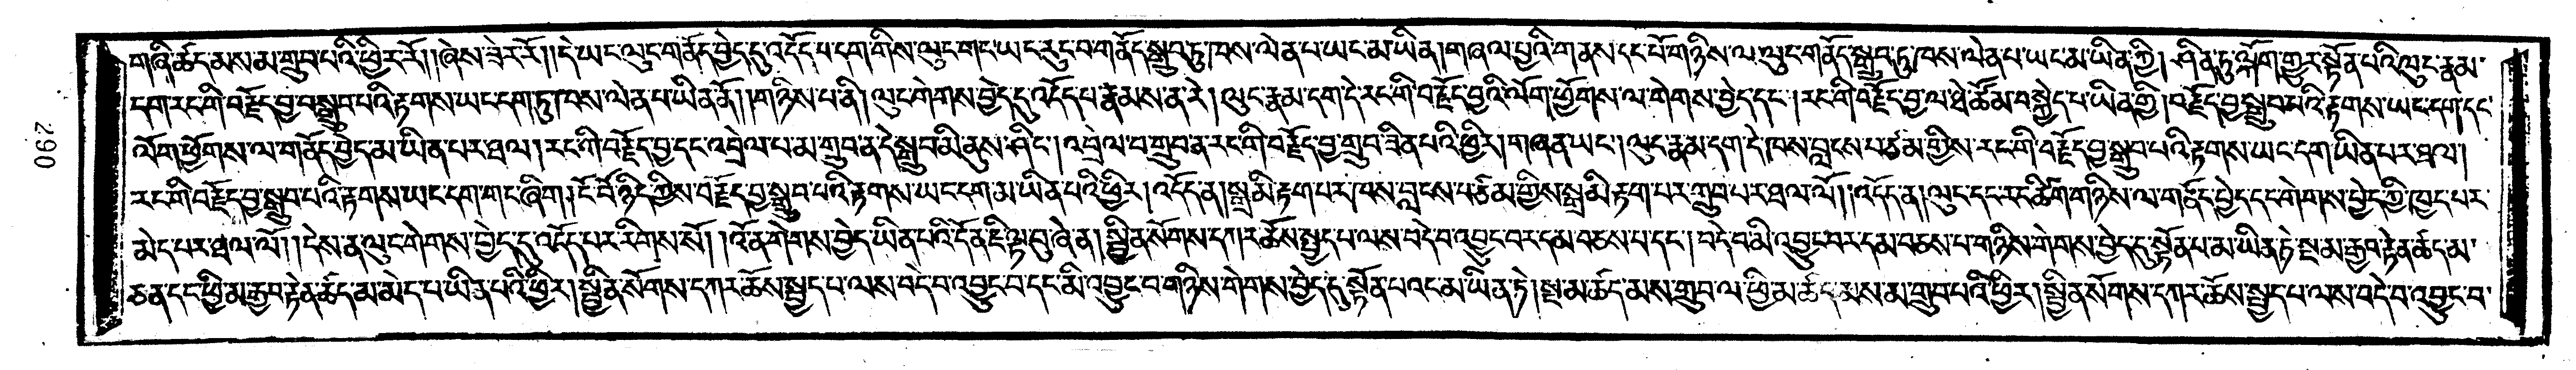གཞི་ཚད་མས་མ་གྲུབ་པའི་ཕྱིར་རོ། །ཞེས་ཟེར་རོ། །དེ་ཡང་ལུང་གནོད་བྱེད་དུ་འདོད་པ་དག་གིས་ལུང་གང་ཡང་རུང་བ་གནོད་སྒྲུབ་ཏུ་ཁས་ལེན་པ་ཡང་མ་ཡིན། གཞལ་བྱའི་གནས་དང་པོ་གཉིས་ལ་ལུང་གནོད་སྒྲུབ་ཏུ་ཁས་ལེན་པ་ཡང་མ་ཡིན་གྱི། ཤིན་ཏུ་ལྐོག་གྱུར་སྟོན་པའི་ལུང་རྣམ་
དག་རང་གི་བརྗོད་བྱ་བསྒྲུབ་པའི་རྟགས་ཡང་དག་ཏུ་ཁས་ལེན་པ་ཡིན་ནོ། །གཉིས་པ་ནི། ལུང་གེགས་བྱེད་དུ་འདོད་པ་རྣམས་ན་རེ། ལུང་རྣམ་དག་དེ་རང་གི་བརྗོད་བྱའི་ལོག་ཕྱོགས་ལ་གེགས་བྱེད་དང་། རང་གི་བརྗོད་བྱ་ལ་ཐེ་ཚོམ་བསྐྱེད་པ་ཡིན་གྱི། བརྗོད་བྱ་སྒྲུབ་པའི་རྟགས་ཡང་དག་དང་
ལོག་ཕྱོགས་ལ་གནོད་བྱེད་མ་ཡིན་པར་ཐལ། རང་གི་བརྗོད་བྱ་དང་འབྲེལ་པ་མ་གྲུབ་ན་དེ་སྒྲུབ་མི་ནུས་ཤིང་། འབྲེལ་པ་གྲུབ་ན་རང་གི་བརྗོད་བྱ་གྲུབ་ཟིན་པའི་ཕྱིར། གཞན་ཡང་། ལུང་རྣམ་དག་དེ་ཁས་བླངས་པ་ཙམ་གྱིས་རང་གི་བརྗོད་བྱ་སྒྲུབ་པའི་རྟགས་ཡང་དག་ཡིན་པར་ཐལ།
རང་གི་བརྗོད་བྱ་སྒྲུབ་པའི་རྟགས་ཡང་དག་གང་ཞིག །ངོ་བོ་ཉིད་ཀྱིས་བརྗོད་བྱ་སྒྲུབ་པའི་རྟགས་ཡང་དག་མ་ཡིན་པའི་ཕྱིར། འདོད་ན། སྒྲ་མི་རྟག་པར་ཁས་བླངས་པ་ཙམ་གྱིས་སྒྲ་མི་རྟག་པར་གྲུབ་པར་ཐལ་ལོ། །དོད་ན། ལུང་དང་རང་ཚིག་གཉིས་ལ་གནོད་བྱེད་དང་གེགས་བྱེད་ཀྱི་ཁྱད་པར་
མེད་པར་ཐལ་ལོ། །དེས་ན་ལུང་གེགས་བྱེད་དུ་འདོད་པར་རིགས་སོ། །འོ་ན་གེགས་བྱེད་ཡིན་པའི་དོན་ཇི་ལྟ་བུ་ཞེ་ན། སྦྱིན་སོགས་དཀར་ཆོས་སྤྱད་པ་ལས་བདེ་བ་འབྱུང་བར་དམ་བཅས་པ་དང་། བདེ་བ་མི་འབྱུང་བར་དམ་བཅས་པ་གཉིས་གེགས་བྱེད་དུ་སྟོན་པ་མ་ཡིན་ཏེ་སྔ་མ་རྒྱབ་རྟེན་ཚད་མ་
ཅན་དང་ཕྱི་མ་རྒྱབ་རྟེན་ཚད་མ་མེད་པ་ཡིན་པའི་ཕྱིར། སྦྱིན་སོགས་དཀར་ཆོས་སྤྱད་པ་ལས་བདེ་བ་འབྱུང་བ་དང་མི་འབྱུང་བ་གཉིས་གེགས་བྱེད་དུ་སྟོན་པའང་མ་ཡིན་ཏེ། སྔ་མ་ཚད་མས་གྲུབ་ལ་ཕྱི་མ་ཚད་མས་མ་གྲུབ་པའི་ཕྱིར། སྦྱིན་སོགས་དཀར་ཆོས་སྤྱད་པ་ལས་བདེ་བ་འབྱུང་བ་